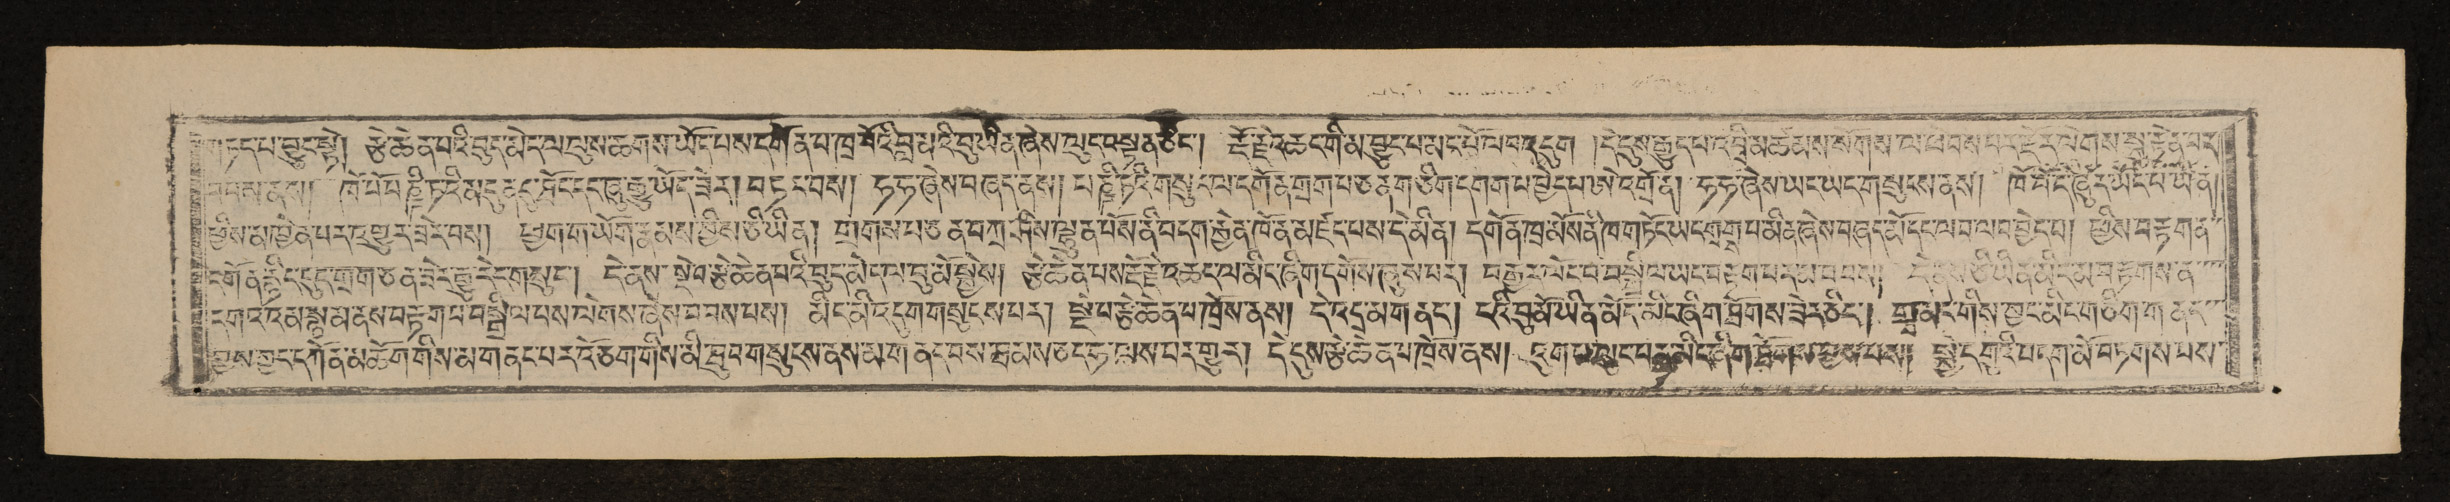གཏད་པ་བྱུང་སྟེ། རྩེ་ཆེན་པའི་བུད་མེད་ལ་ལུས་ཆགས་ཡོད་པས་དགོན་པ་ཁྲ་བོའི་བླ་མའི་བུ་ཡིན་ཞེས་ལུང་བསྟན་ཅིང་། རྡོ་རྗེ་འཆང་གི་མ་བྱུང་བ་མང་པོ་ལབ་འདུག །དེ་དུས་རྒྱུད་པ་འབྲི་མཚམས་སོགས་ལ་ཕེབས་པར་རྡོར་ལེགས་སྐུ་རྟེན་པར་
བབས་ནས། ཁོ་བོ་པཎྜི་ཏའི་མདུན་དུ་ཐོང་དང་ཞུ་རྒྱུ་ཡོད་ཟེར། བཏང་བས། ཧ་ཧ་ཞེས་བཞད་ནས། པཎྜི་ཏའི་གསུང་ལ་དགོན་གྲག་པ་ཅན་གཅིག་དགག་པ་བྱེད་པ་ཨེ་འགྲོ་ན། ཧ་ཧ་ཞེས་ཡང་ཡང་གསུངས་ནས། ཁོ་བོ་དེ་ཞུར་ཡོང་པ་ཡིན།
ཕྱིས་མཁྱེན་པར་འགྱུར་ཟེར་བས། ཕྱག་གཡོག་རྣམས་ཀྱིས་ཅི་ཡིན། གྲགས་པ་ཅན་བཀྲ་ཤིས་ལྷུན་པོས་ནི་བདག་རྐྱེན་ཁོ་ན་མཛད་པས་དེ་མིན། དགོན་ཁྲ་མོས་ནི་ཁ་གཏོང་ཡང་གྲགས་པ་མིན་ཞེས་བཞད་མོ་དང་ལབ་ལབ་བྱེད་བ། ཕྱིས་བརྟག་ན་
དགོན་རྙིང་དུད་གྲག་ཅན་ཟེར་རྒྱུ་རེད་གསུང་། དེ་ནས་སྡེ་བརྩེ་ཆེན་པའི་བུད་མེད་ལ་བུ་མོ་སྐྱེས། རྩེ་ཆེན་པས་རྡོ་རྗེ་འཆང་ལ་མིང་ཞིག་དགོས་ཞུས་པར། བརྒྱར་ལོང་བ་བསྒྲིལ་ཡང་བརྟག་པར་མ་བབས། དེ་ནས་ཅི་ཡིན་མིང་མ་བཏགས་ན་
དགའ་འམ་སྙམ་ནས་བརྟག་པ་བསྒྲིལ་པས་ལེགས་ཞེས་བབས་པས། མིང་མི་འདུག་གསུངས་པར། སྡེ་པ་རྩེ་ཆེན་པ་ཁྲོས་ནས། དེ་འདྲ་མ་གནང་། ངའི་བུ་མོ་ཡིན་མོད་མིང་ཞིག་ཐོགས་ཟེར་ཅིང་། གྲྭ་མང་གིས་ཀྱང་མིང་གཅིག་གནང་
བྱས་ཀྱང་དཀོན་མཆོག་གིས་མ་གནང་བར་འོ་ཅག་གིས་མི་ཐུབ་གསུངས་ནས་མ་གནང་བས་ཐམས་ཅད་ཧ་ལས་བར་གྱུར། དེ་དུས་རྩེ་ཆེན་པ་ཁྲོས་ནས། འུག་པ་ལུང་པར་མིང་ཞིག་ཐོགས་བྱས་བས། སྐྱེ་དགུའི་བདག་མོ་བཏགས་བས་